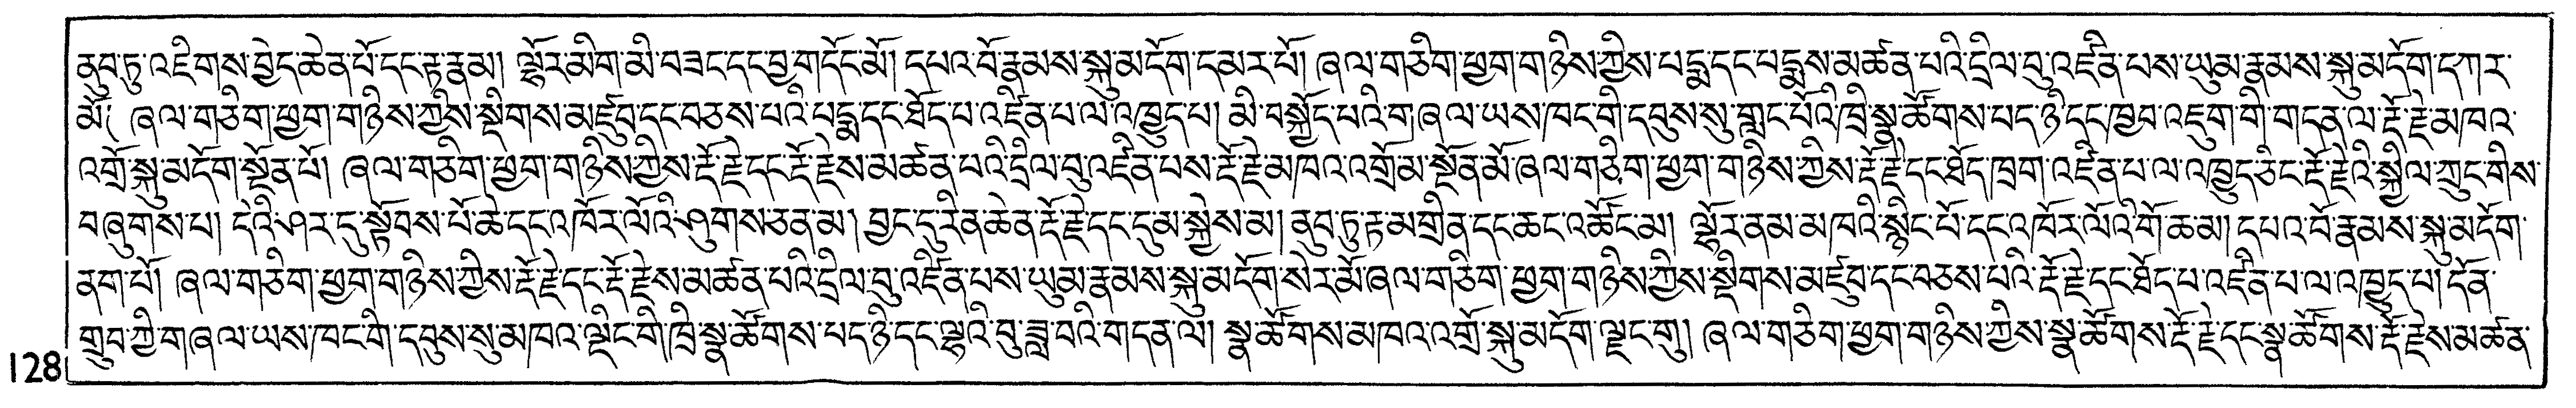ནུབ་ཏུ་འཇིགས་བྱེད་ཆེན་པོ་དང་རྟ་རྣམ། ལྷོར་མིག་མི་བཟང་དང་བྱ་གདོང་མོ། དཔའ་བོ་རྣམས་སྐུ་མདོག་དམར་པོ། ཞལ་གཅིག་ཕྱག་གཉིས་ཀྱིས་པདམ་དང་པདམས་མཚན་པའི་དྲིལ་བུ་འཛིན་པས་ཡུམ་རྣམས་སྐུ་མདོག་དཀར་
མོ༑ ཞལ་གཅིག་ཕྱག་གཉིས་ཀྱིས་སྡིགས་མཛུབ་དང་བཅས་པའི་པདམ་དང་ཐོད་པ་འཛིན་པ་ལ་འཁྱུད་པ། མི་བསྐྱོད་པའི་གཞལ་ཡས་ཁང་གི་དབུས་སུ་གླང་པོའི་ཁྲི་སྣ་ཚོགས་པད་ཉི་དང་ཁྱབ་འཇུག་གི་གདན་ལ་རྡོ་རྗེ་མཁའ་
འགྲོ་སྐུ་མདོག་སྔོན་པོ། ཞལ་གཅིག་ཕྱག་གཉིས་ཀྱིས་རྡོ་རྗེ་དང་རྡོ་རྗེས་མཚན་པའི་དྲིལ་བུ་འཛིན་པས་རྡོ་རྗེ་མཁའ་འགྲོ་མ་སྔོན་མོ་ཞལ་གཅིག་ཕྱག་གཉིས་ཀྱིས་རྡོ་རྗེ་དང་ཐོད་ཁྲག་འཛིན་པ་ལ་འཁྱུད་ཅིང་རྡོ་རྗེའི་སྐྱིལ་ཀྲུང་གིས་
བཞུགས་པ། དེའི་ཤར་དུ་སྟོབས་པོ་ཆེ་དང་འཁོར་ལོའི་ཤུགས་ཅན་མ། བྱང་དུ་རིན་ཆེན་རྡོ་རྗེ་དང་དུ་མ་སྐྱེས་མ། ནུབ་ཏུ་རྟ་མགྲིན་དང་ཆང་འཚོང་མ། ལྷོར་ནམ་མཁའི་སྙིང་པོ་དང་འཁོར་ལོའི་གོ་ཆ་མ། དཔའ་བོ་རྣམས་སྐུ་མདོག་
ནག་པོ། ཞལ་གཅིག་ཕྱག་གཉིས་ཀྱིས་རྡོ་རྗེ་དང་རྡོ་རྗེས་མཚན་པའི་དྲིལ་བུ་འཛིན་པས་ཡུམ་རྣམས་སྐུ་མདོག་སེར་མོ་ཞལ་གཅིག་ཕྱག་གཉིས་ཀྱིས་སྡིགས་མཛུབ་དང་བཅས་པའི་རྡོ་རྗེ་དང་ཐོད་པ་འཛིན་པ་ལ་འཁྱུད་པ། དོན་
གྲུབ་ཀྱི་གཞལ་ཡས་ཁང་གི་དབུས་སུ་མཁའ་ལྡིང་གི་ཁྲི་སྣ་ཚོགས་པད་ཉི་དང་ལྷའི་བུ་ཟླ་བའི་གདན་ལ། སྣ་ཚོགས་མཁའ་འགྲོ་སྐུ་མདོག་ལྗང་གུ །ཞལ་གཅིག་ཕྱག་གཉིས་ཀྱིས་སྣ་ཚོགས་རྡོ་རྗེ་དང་སྣ་ཚོགས་རྡོ་རྗེས་མཚན་